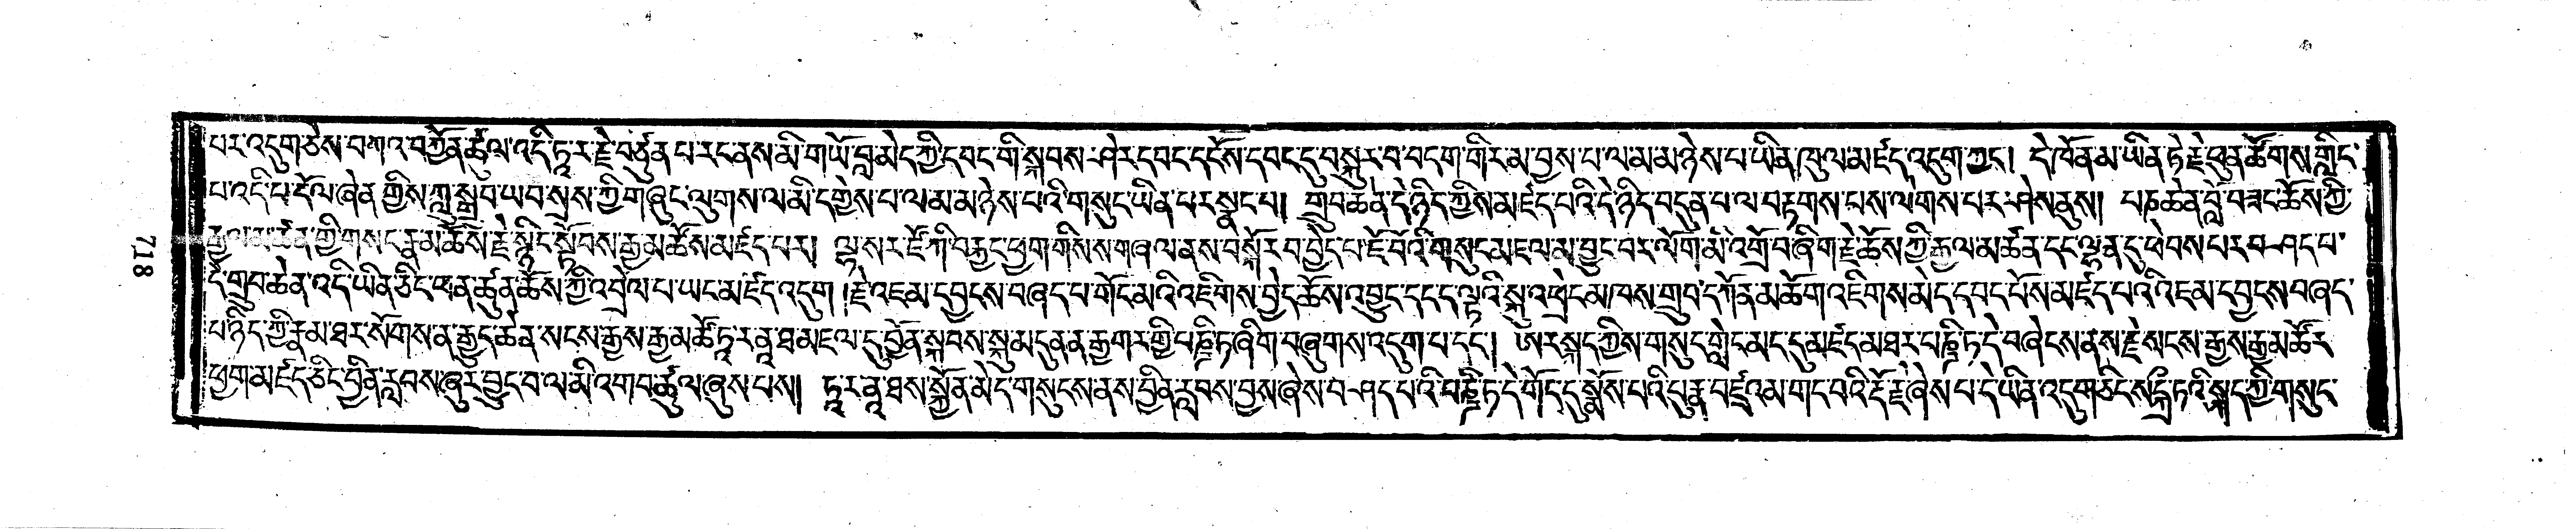པར་འདུག་ཅེས་བཀའ་བཀྱོན་ཚུལ་འདི་ཏཱ་ར་རྗེ་བཙུན་པ་རང་ནས་མི་གཡོ་བླ་མེད་ཀྱི་དབང་གི་སྐབས་ཤེར་དབང་དངོས་དབང་དུ་བསྐུར་བ་བདག་གིར་མ་བྱས་པ་ལ་མ་མཉེས་པ་ཡིན་ཁུལ་མཛད་འདུག་ཀྱང་། དེ་ཁོ་ན་མ་ཡིན་ཏེ་རྗེ་ཕུན་ཚོགས་གླིང་
པ་འདི་པ་དོལ་ཞེན་གྱིས་ཀླུ་སྒྲུབ་ཡབ་སྲས་ཀྱི་གཞུང་ལུགས་ལ་མི་དགྱེས་པ་ལ་མ་མཉེས་པའི་གསུང་ཡིན་པར་སྣང་བ། གྲུབ་ཆེན་དེ་ཉིད་ཀྱིས་མཛད་པའི་དེ་ཉིད་བདུན་པ་ལ་བརྟགས་པས་ལེགས་པར་ཤེས་ནུས། པཎ་ཆེན་བློ་བཟང་ཆོས་ཀྱི་
རྒྱལ་མཚན་གྱི་གསང་རྣམ་ཆོས་རྗེ་སྙིང་སྟོབས་རྒྱ་མཚོས་མཛད་པར། ལྷ་སར་ཛོ་ཀི་བརྐྱང་ཕྱག་གིས་ས་གཞལ་ནས་བསྐོར་བ་བྱེད་པ་ཇོ་བོའི་གསུང་མཇལ་མ་བྱུང་བར་ལོག་མི་འགྲོ་བ་ཞིག་རྗེ་ཆོས་ཀྱི་རྒྱལ་མཚན་དང་ལྷན་དུ་ཕེབས་པར་བཤད་པ་
དེ་གྲུབ་ཆེན་འདི་ཡིན་ཅིང་ཕན་ཚུན་ཆོས་ཀྱི་འབྲེལ་བ་ཡང་མཛད་འདུག། རྗེ་འཇམ་དབྱངས་བཞད་པ་གོང་མའི་འཇིགས་བྱེད་ཆོས་འབྱུང་དང་ད་ལྟའི་སྐུ་འཕྲེང་མཁས་གྲུབ་དཀོན་མཆོག་འཇིགས་མེད་དབང་པོས་མཛད་པའི་འཇམ་དབྱངས་བཞད་
པ་ཉིད་ཀྱི་རྣམ་ཐར་སོགས་ན་རྒྱུད་ཆེན་སངས་རྒྱས་རྒྱ་མཚོ་ཏཱ་ར་ནཱ་ཐ་མཇལ་དུ་བྱོན་སྐབས་སྐུ་མདུན་ན་རྒྱ་གར་གྱི་པཎྜི་ཏ་ཞིག་བཞུགས་འདུག་པ་དང་། ཨར་སྐད་ཀྱིས་གསུང་གླེང་མང་དུ་མཛད་མཐར་པཎྜི་ཏ་དེ་བཞེངས་ནས་རྗེ་སངས་རྒྱས་རྒྱ་མཚོར་
ཕྱག་མཛད་ཅིང་བྱིན་རླབས་ཞུར་བྱུང་བ་ལ་མི་འགབ་ཚུལ་ཞུས་པས། ཏཱ་ར་ནཱ་ཐས་སྐྱོན་མེད་གསུངས་ནས་བྱིན་རླབས་བྱས་ཞེས་བཤད་པའི་པཎྜི་ཏ་དེ་གོང་དུ་སྨོས་པའི་པུརྣ་བཛྲའམ་གང་བའི་རྡོ་རྗེ་ཞེས་པ་དེ་ཡིན་འདུག་ཅིང་སིངྐྲ་ཏའི་སྐད་ཀྱི་གསུང་